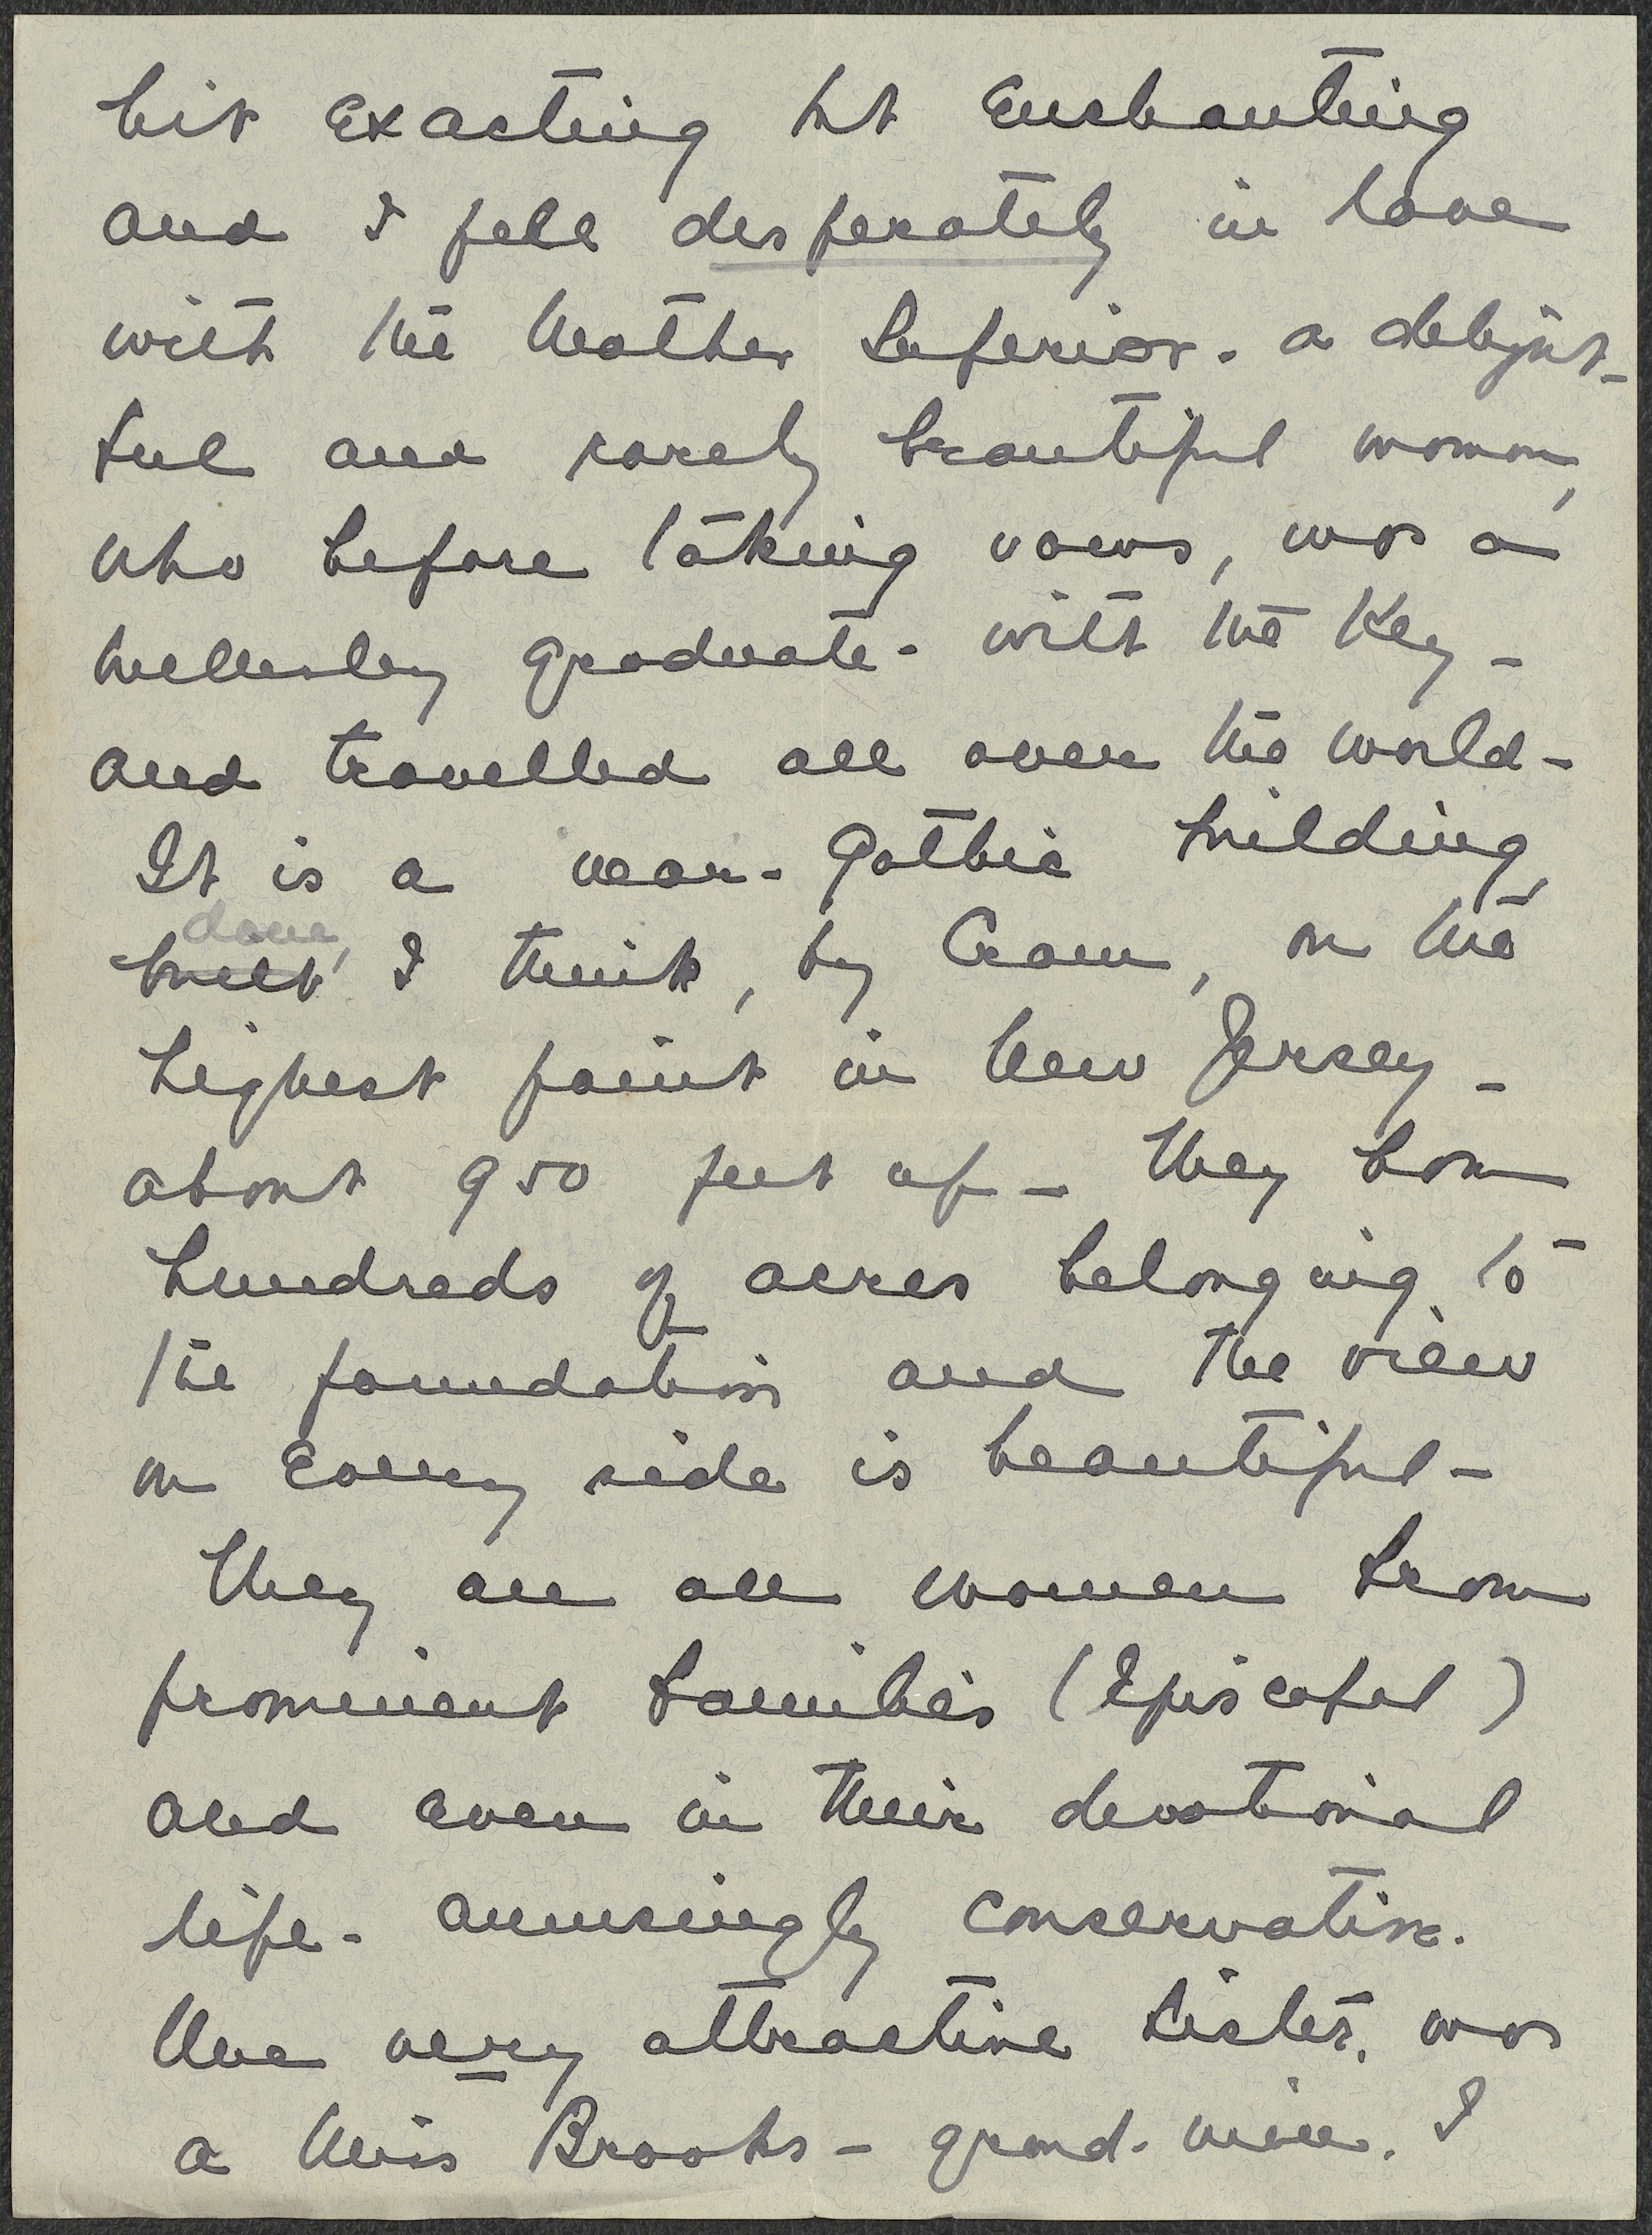bit exacting but enchanting and I fell desperately in love with the Mother Superior – a delightful and rarely beautiful woman, who before taking vows, was a Wellesley graduate – with the Key – and travelled all over the world – It is a near-Gothic building built [^done^] I think, by Cram, on the highest point in New Jersey – about 950 feet up – They have hundreds of acres belonging to the foundation and the view on every side is beautiful –
They are all women from prominent families (Episcopal) and even in their devotional life – amusingly conservative. The very attractive sister, was a Miss Brooks – grand-niece, I